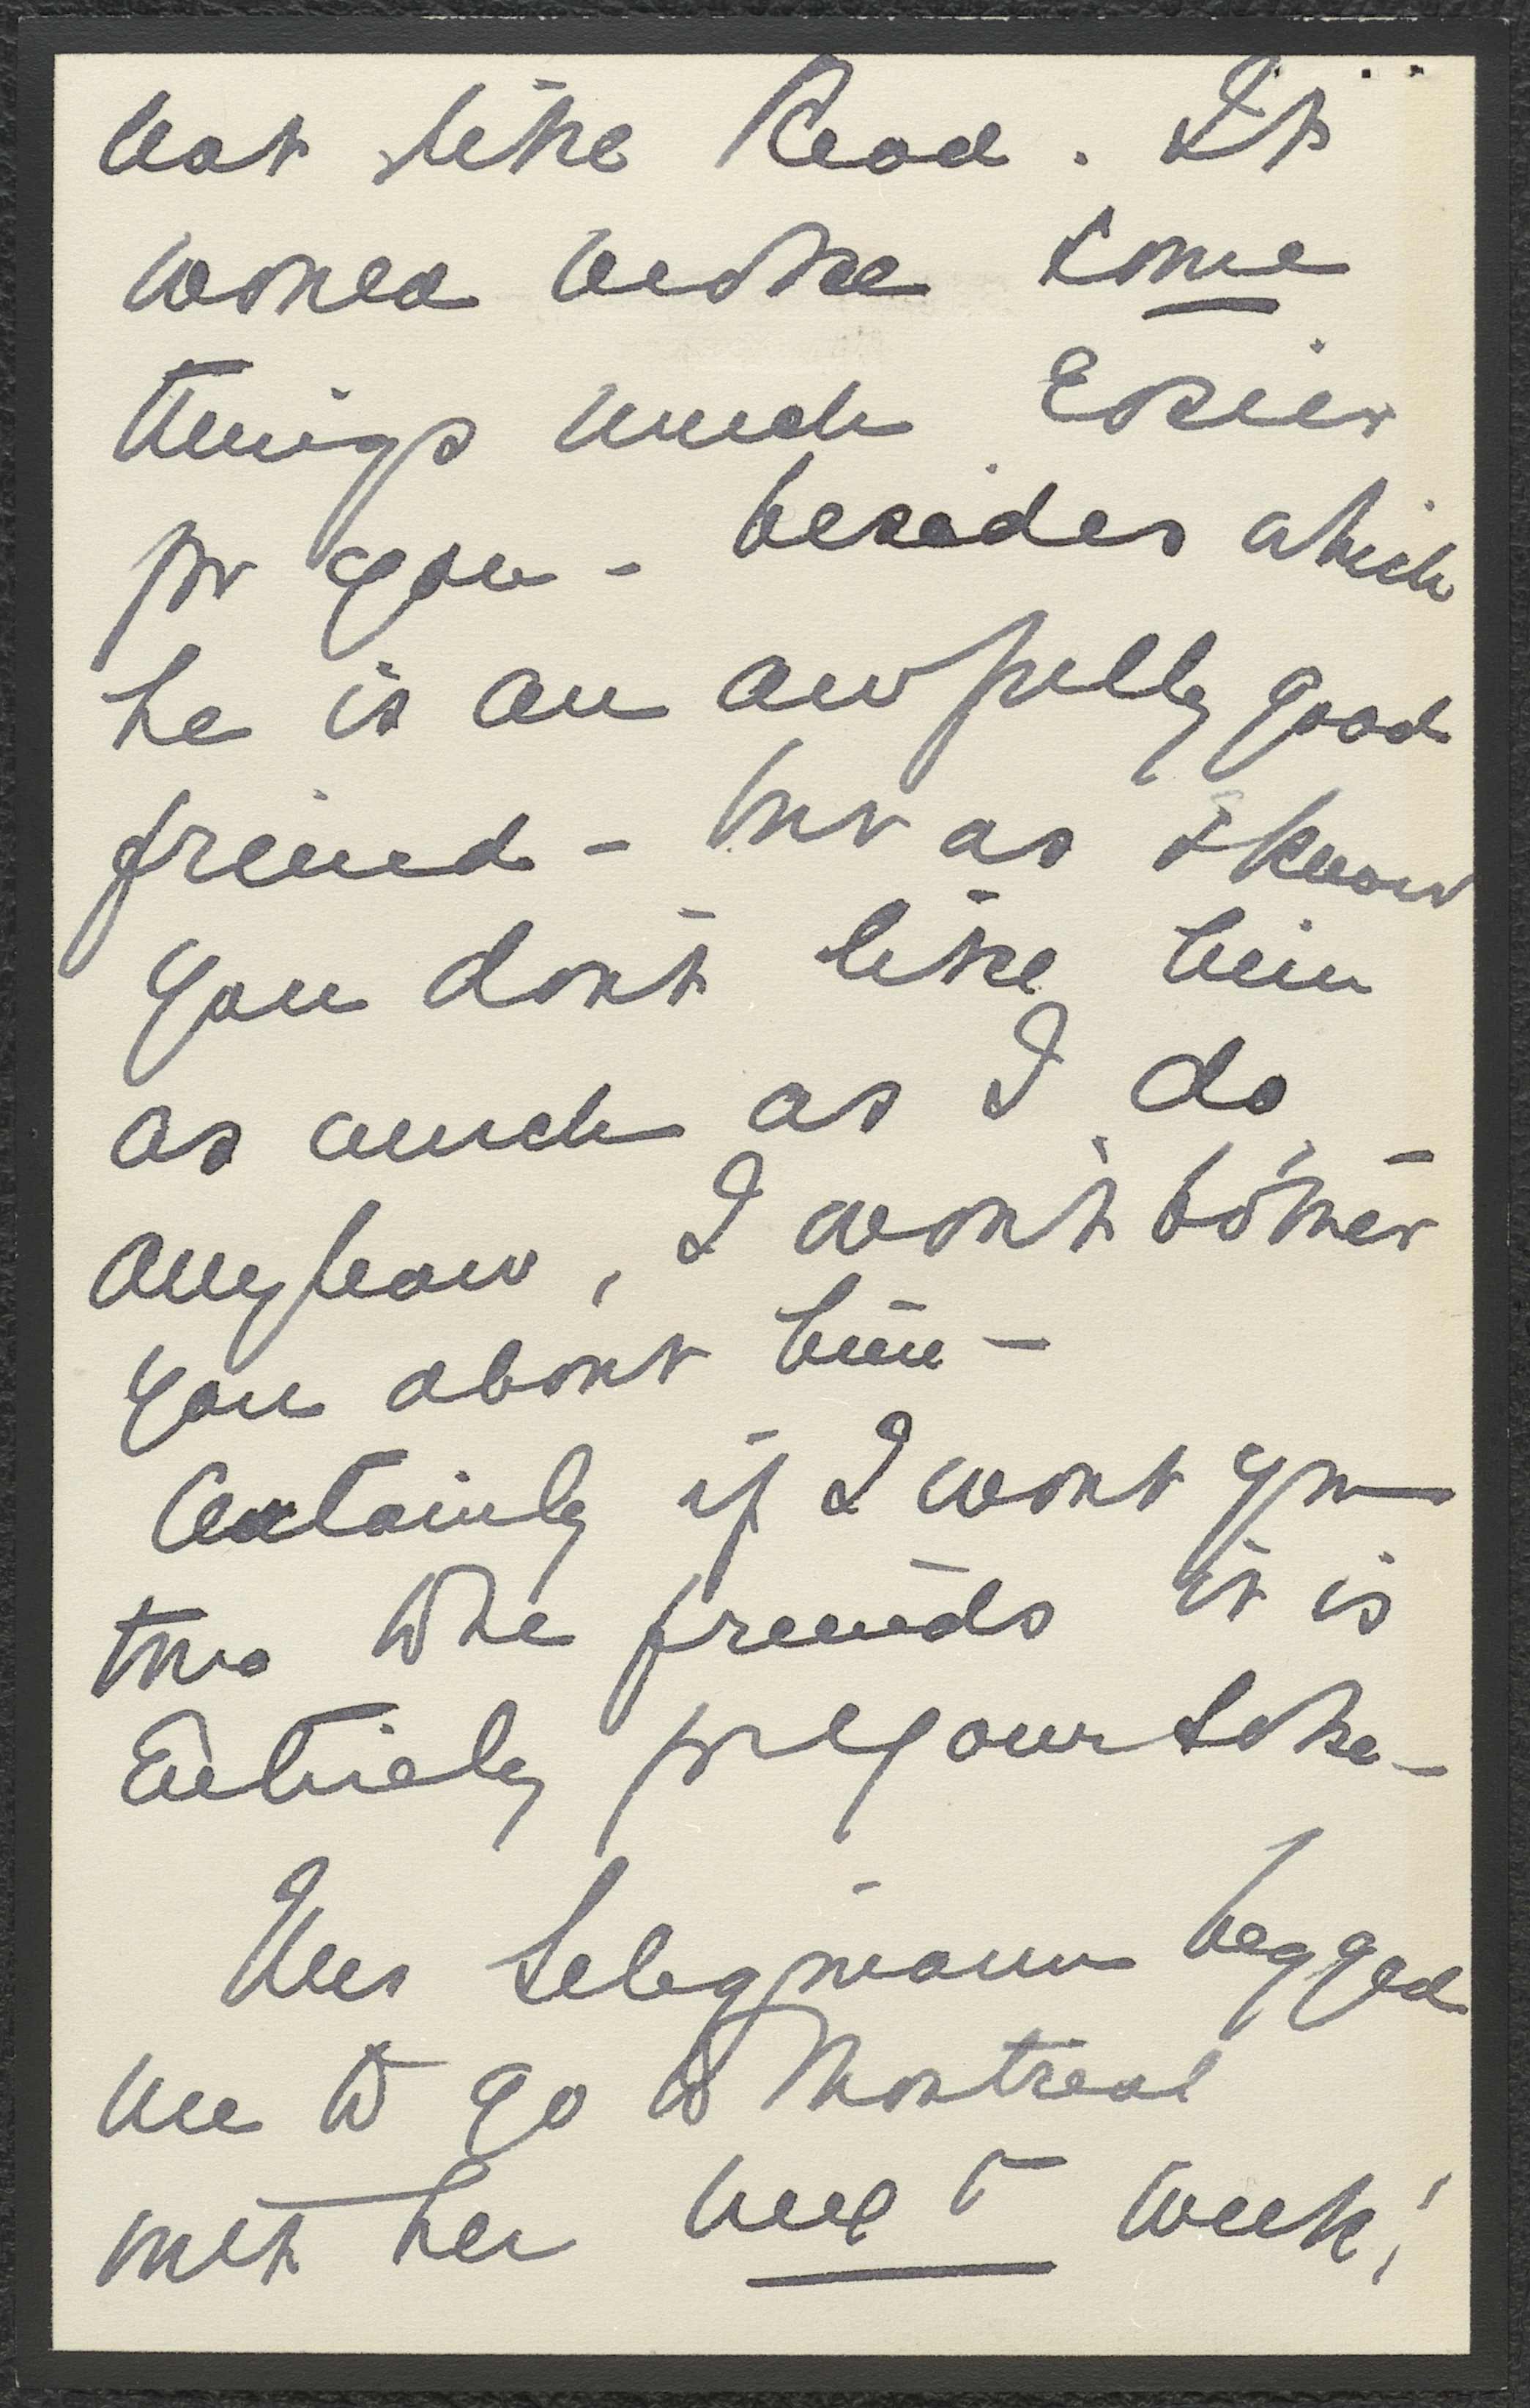not like Read. It would make some things much easier for you – besides which he is an awfully good friend – but as I know you don’t like him as much as I do, anyhow, I won’t bother you about him –
Certainly if I want you two to be friends it is entirely for your sake –
Mrs Seligmann begged me to go to Montreal with her next week!